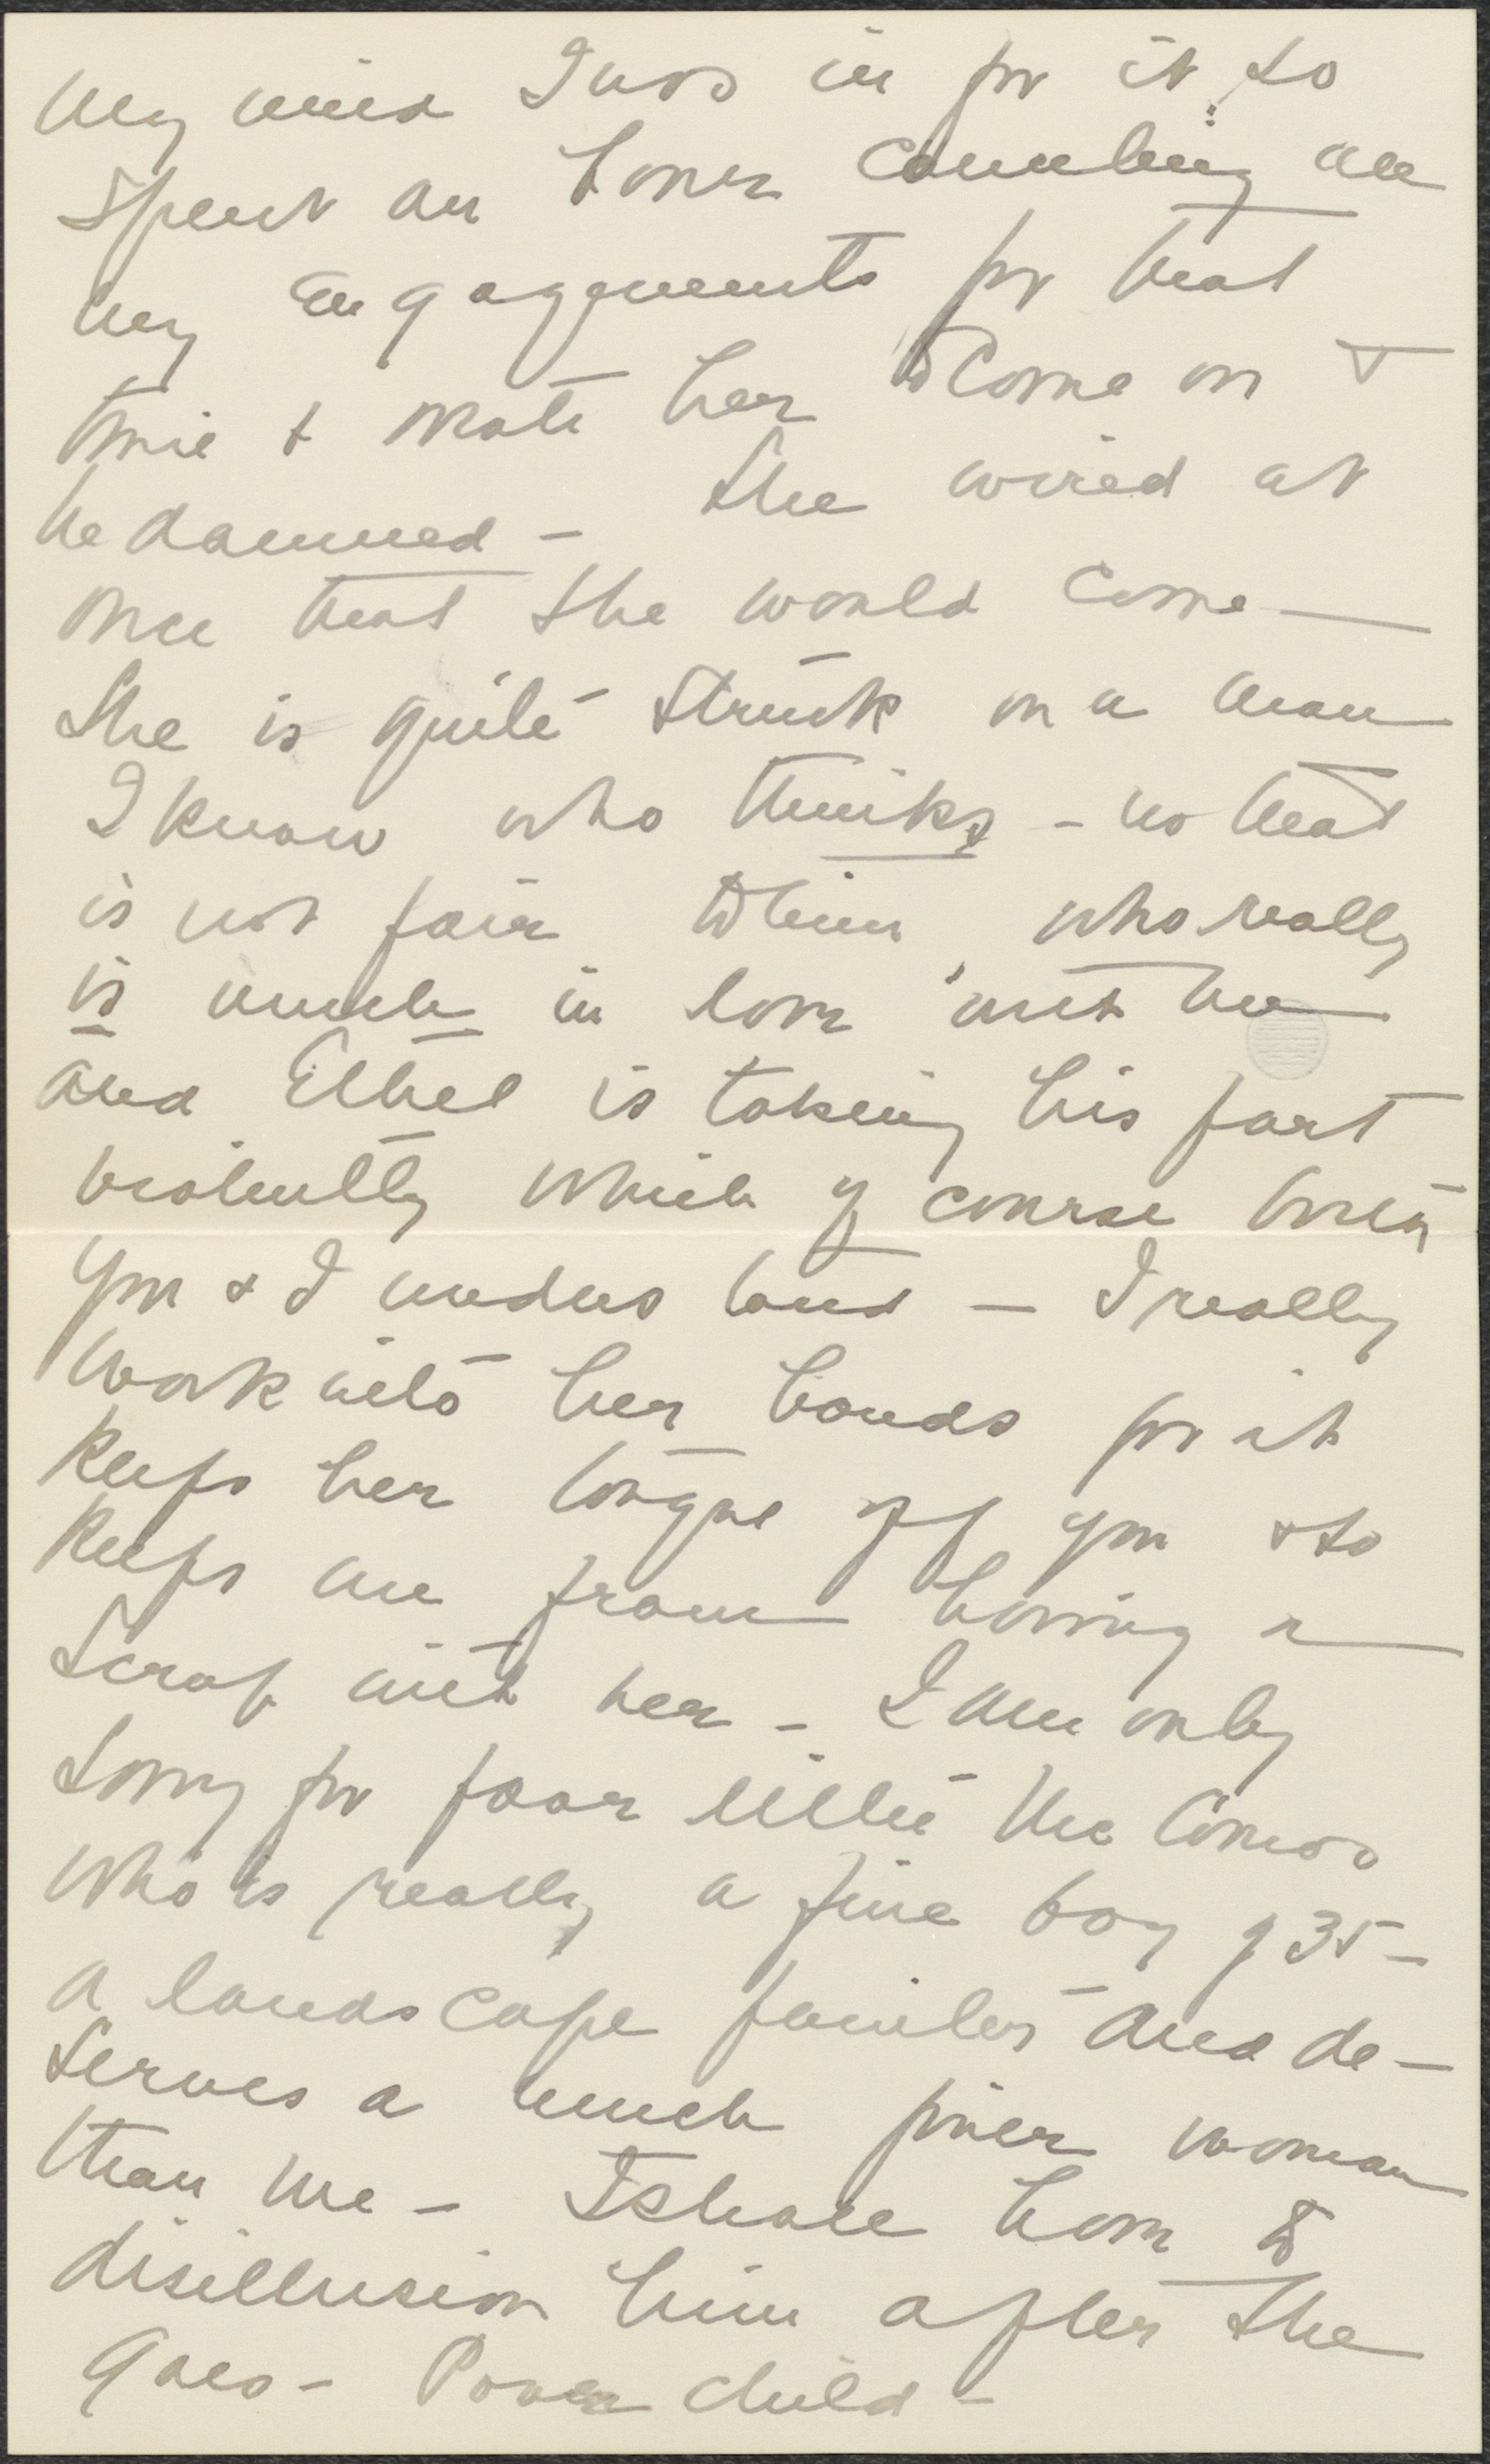my mind I was in for it so spent an hour canceling all my engagements for that time & wrote her to come on & be damned – She wired at once that she would come – She is quite struck on a man I know who thinks – no that is not fair to him, who really is much in love with me and Ethel is taking his part violently which of course both you & I understand – I really work into her hands for it keeps her tongue off you & so keeps me from having a scrap with her – I am only sorry for poor little McComas who is really a fine boy of 35 – a landscape painter and deserves a much finer woman than me – I shall have to disillusion him after she goes – Poor child –